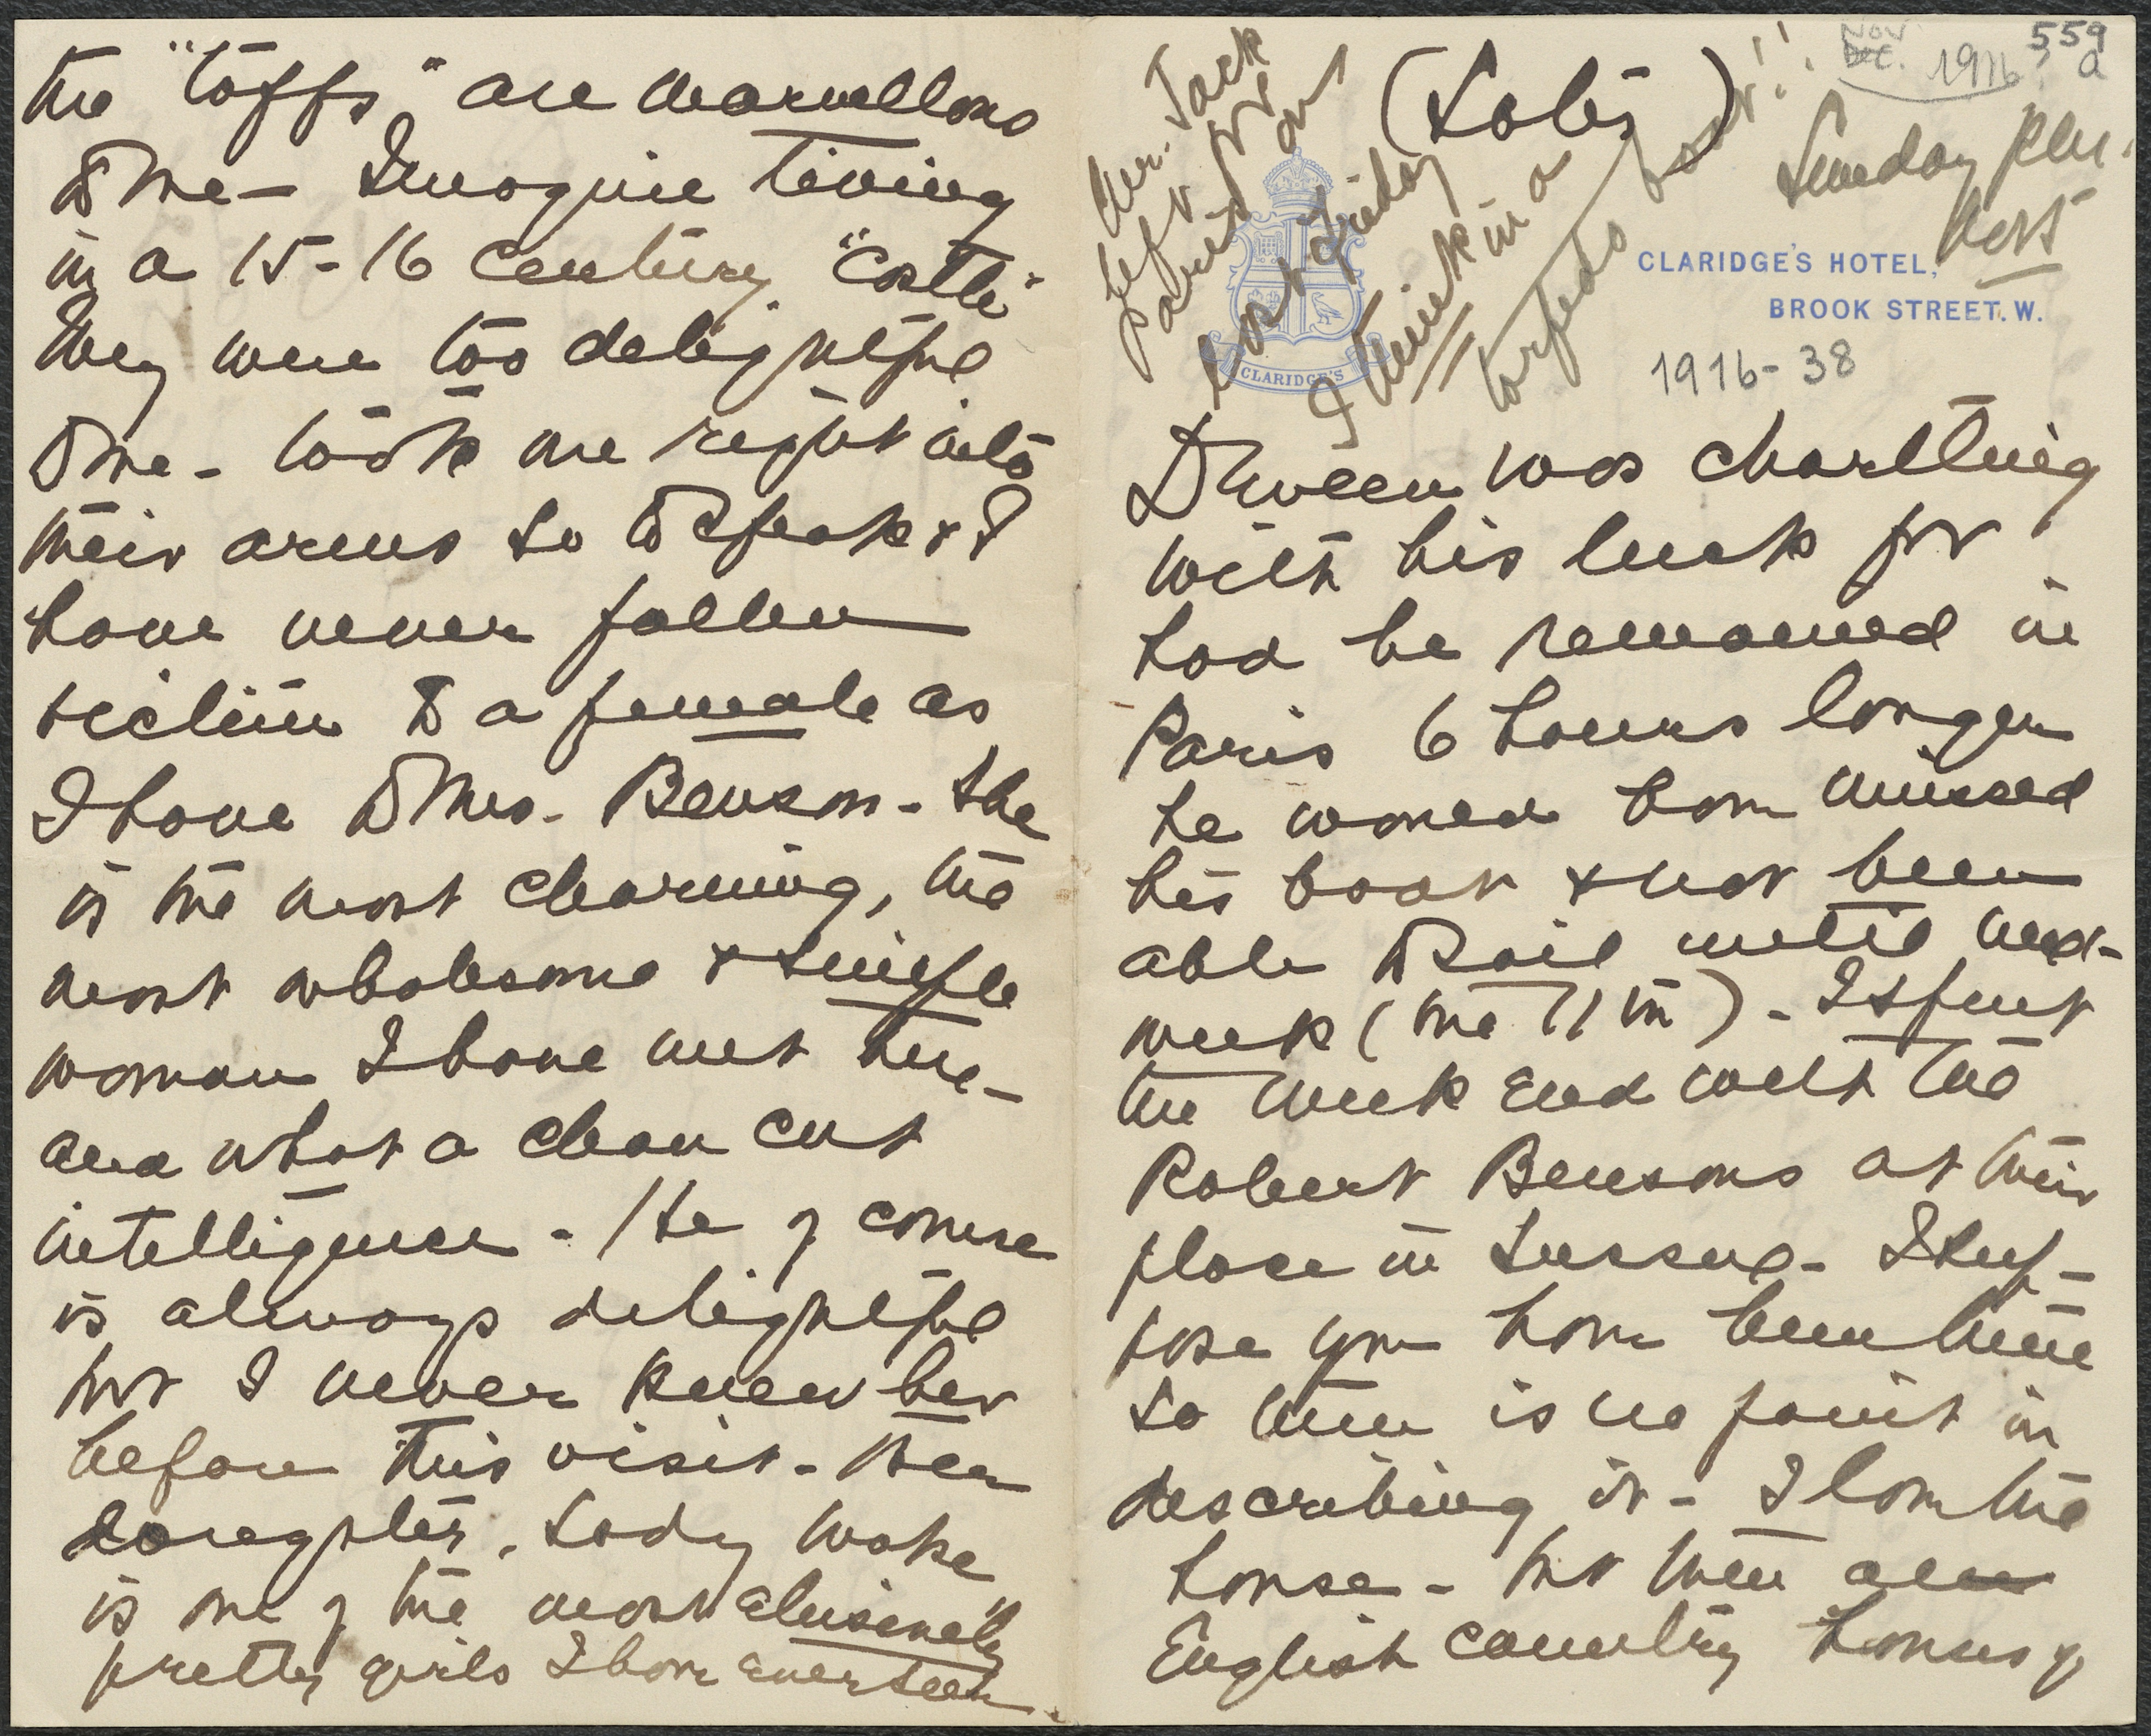[written diagonally in top margin]: Mr. Jack left for Paris on last Friday I [double underlined: think] in a torpedo boat!!
(Later)
Sunday pm
Nov 5
Duveen was chortling with his luck for had he remained in Paris 6 hours longer he would have missed his boat & not been able to sail until next week (the 11th) – I spent the week end with the Robert Bensons at their place in Sussex – I suppose you have been there so there is no point in describing it – I love the house – but then all English country homes of
the “toffs” are marvellous to me – Imagine living in a 15-16 century “castle” They were too delightful to me – took me right into their arms so to speak & I have never fallen victim to a female as I have to Mrs. Benson – She is the most charming, the most wholesome & simple woman I have met here – and what a clean cut intelligence – He of course is always delightful but I never knew her before this visit – their daughter, Lady Wake is one of the most elusively pretty girls I have ever seen